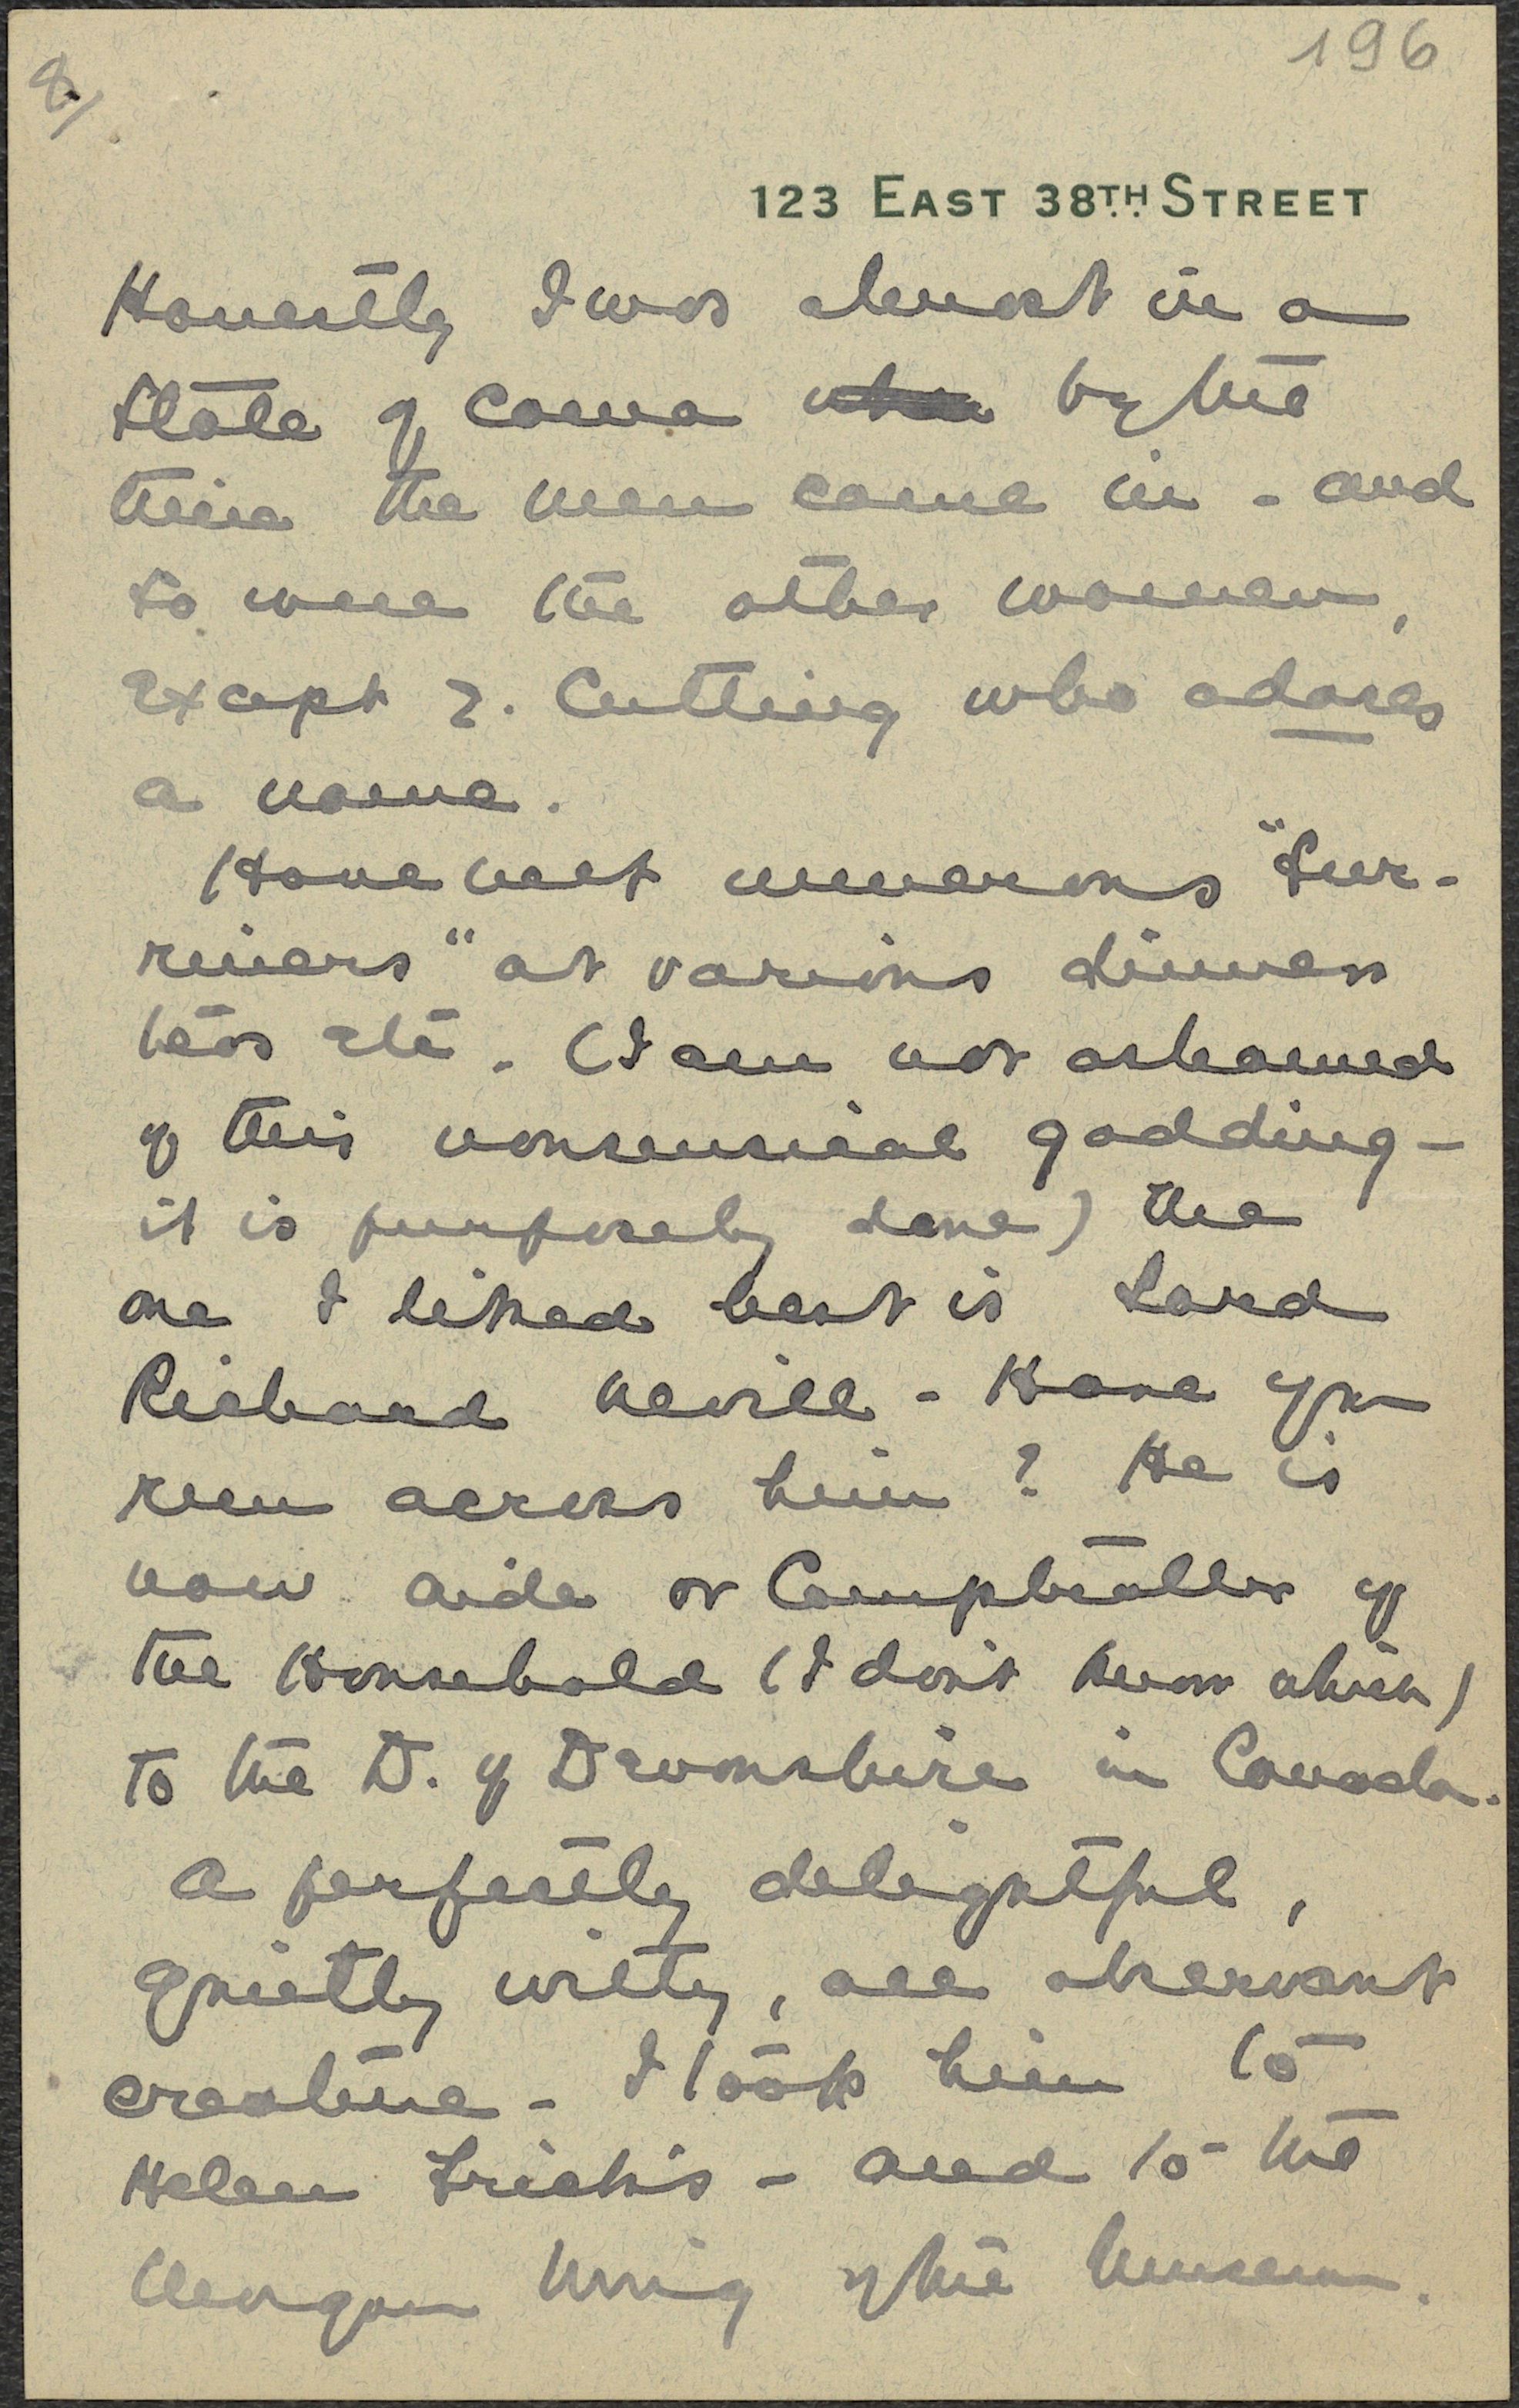Honestly I was almost in a state of coma when by the time the men came in – and so were the other women, except E. Cutting who adores a name.
Have met numerous "furriners" at various dinners etc. (I am not ashamed of this nonsensical gadding – it is purposely done) The one I liked best is Lord Richard Nevill – Have you run across him? He is now aide or Comptroller of the Household (I don't know which) to the D. of Devonshire in Canada.
A perfectly delightful, quietly witty, all observant creature – I took him to Helen Frick's – and to the Morgan Wing of the Museum.